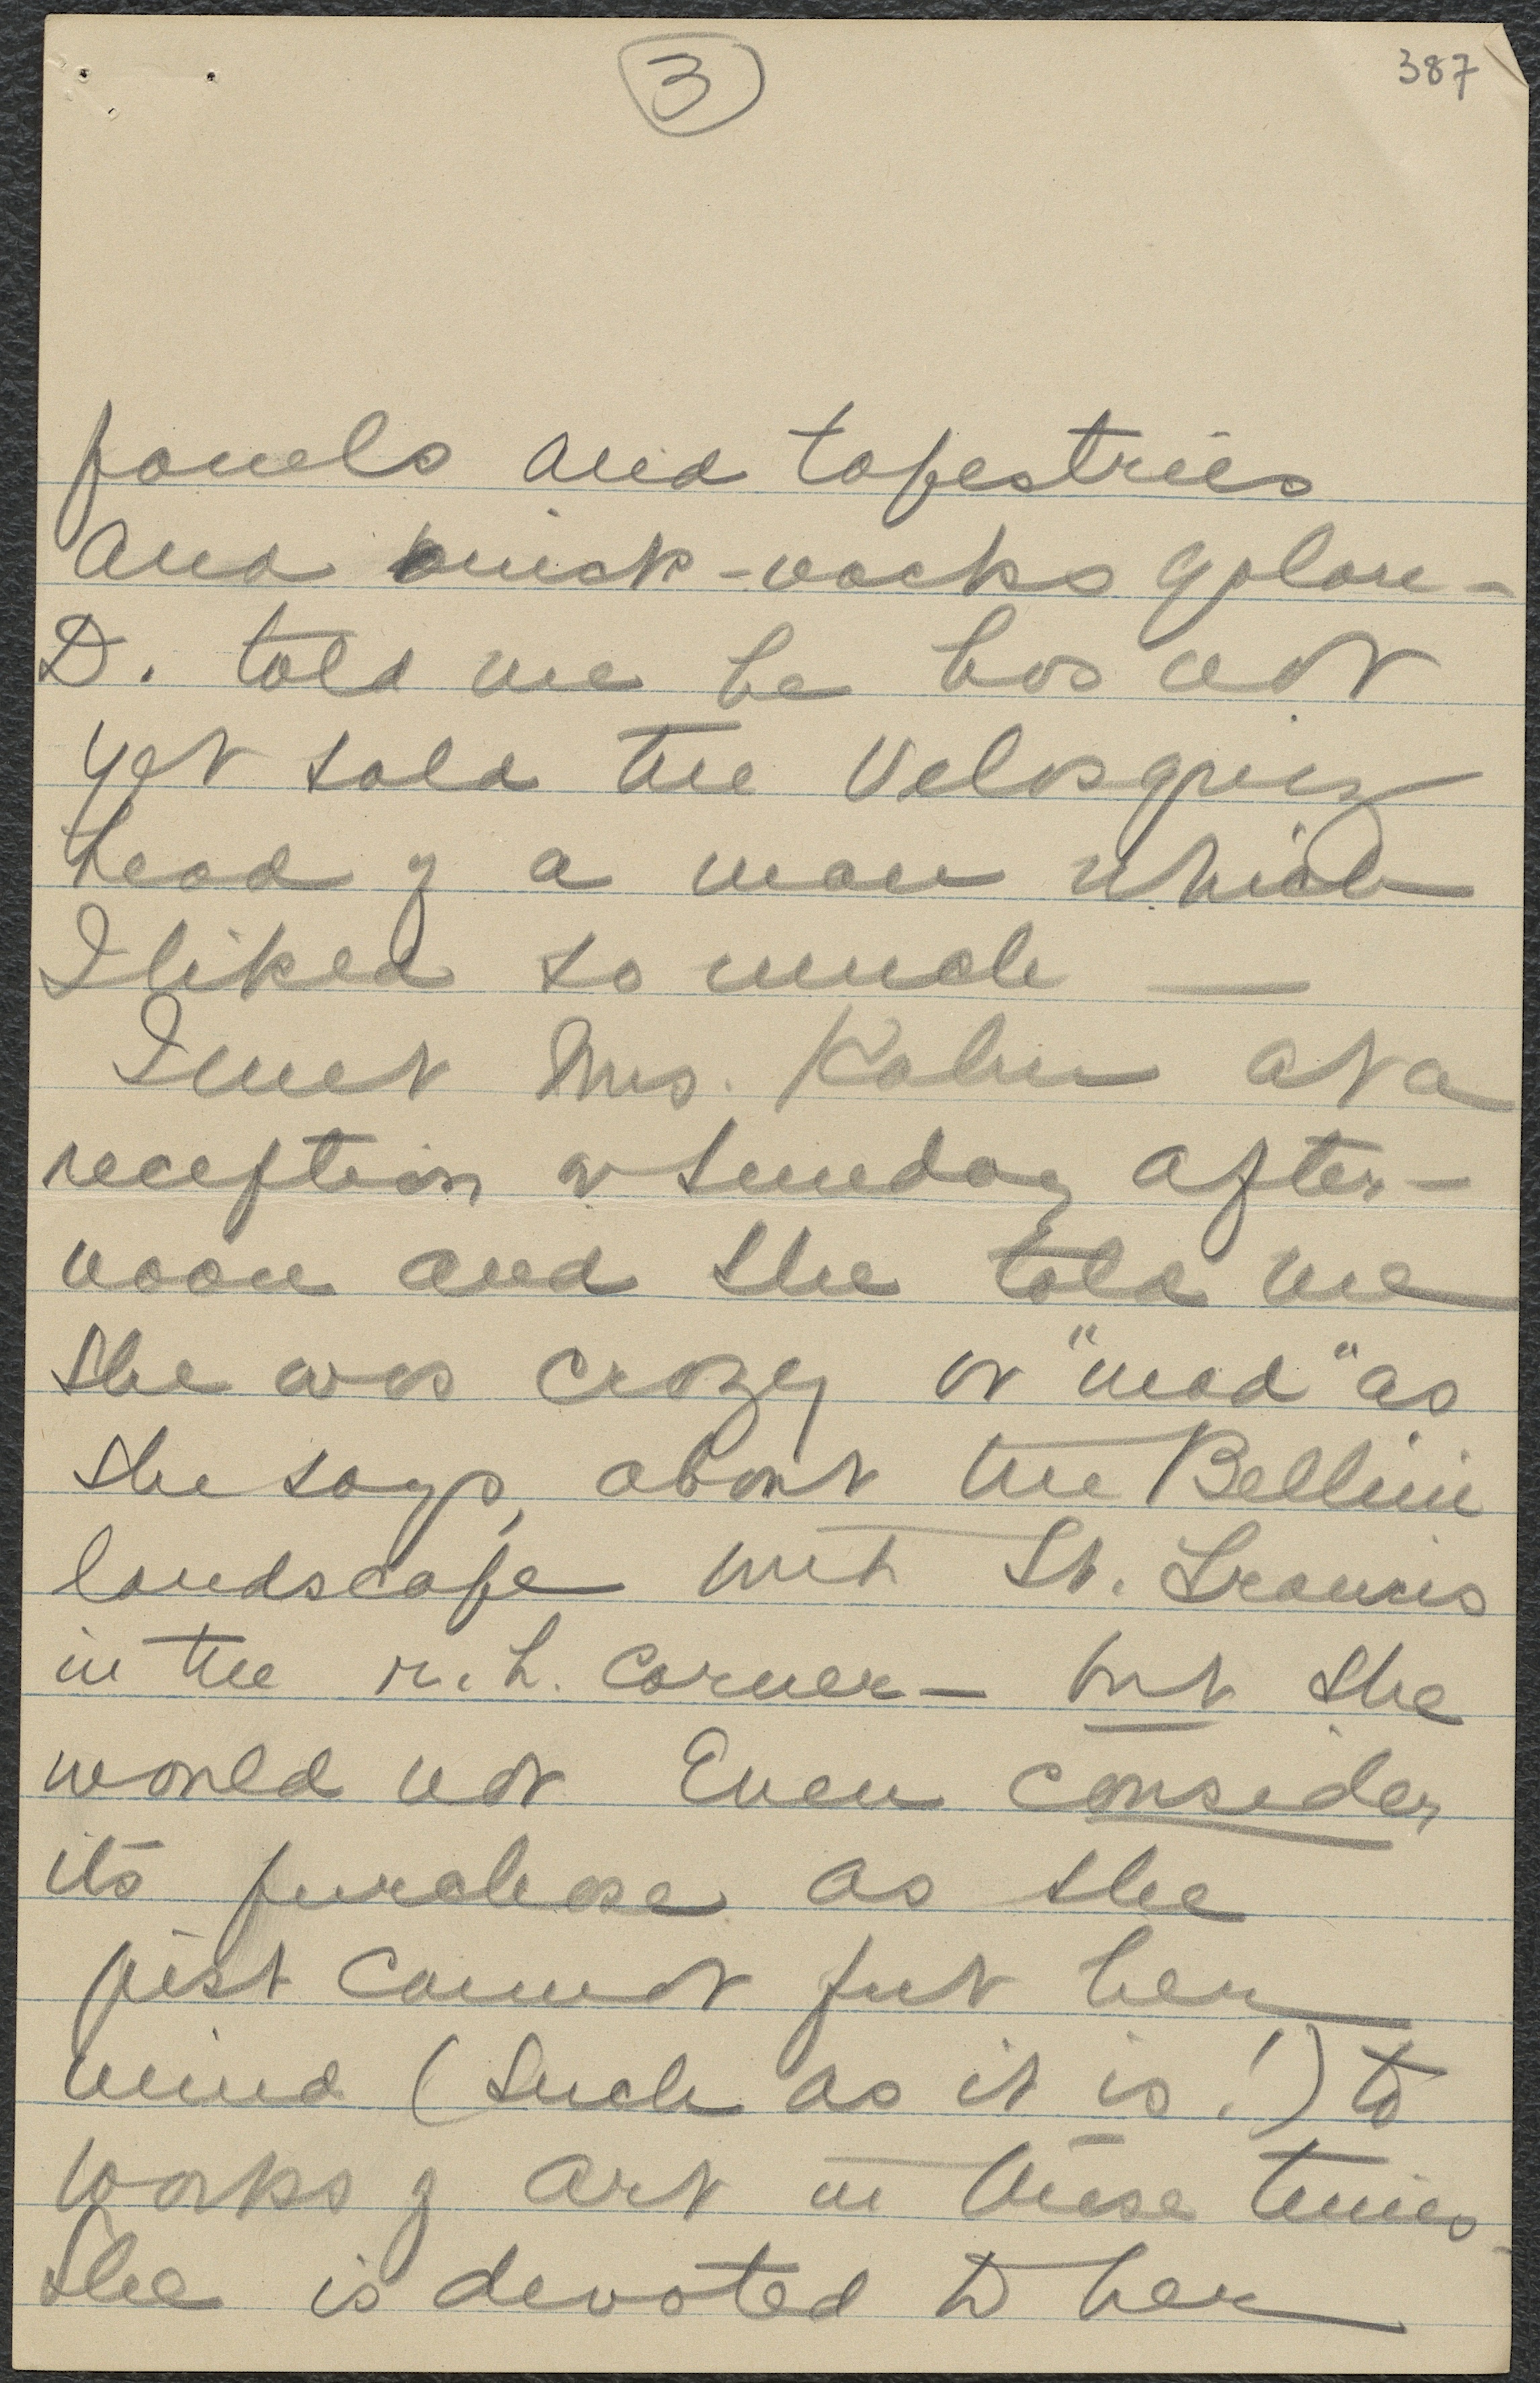panels and tapestries and knick-knacks galore – D. told me he has not yet sold the Velasquez head of a man which I liked so much –
I met Mrs. Kahn at a reception on Sunday afternoon and she told me she was crazy or “mad” as she says, about the Bellini landscape with St. Francis in the r.h. corner – but she would not even consider its purchase as she just cannot put her mind (such as it is!) to works of art in these times. She is devoted to her